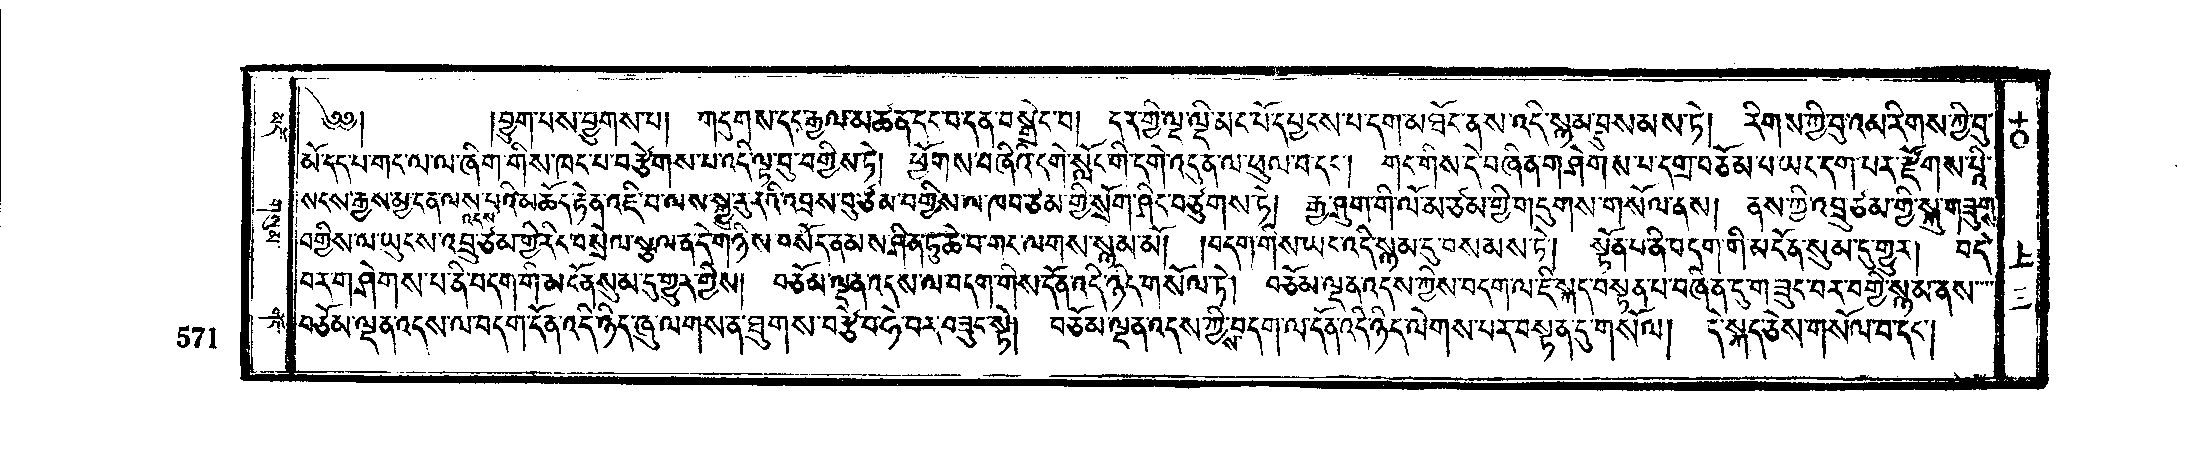༄༅། །བྱུག་པས་བྱུགས་པ། གདུགས་དང་རྒྱལ་མཚན་དང་བ་དན་བསྒྲེང་བ། དར་གྱི་ལྔ་ལྡི་མང་པོ་དཔྱངས་པ་དག་མཐོང་ནས་འདི་སྙམ་དུ་བསམས་ཏེ། རིགས་ཀྱི་བུ་འམ་རིགས་ཀྱི་བུ་
མོ་དད་པ་གང་ལ་ལ་ཞིག་གིས་ཁང་པ་བརྩེགས་པ་འདི་ལྟ་བུ་བགྱིས་ཏེ། ཕྱོགས་བཞིའི་དགེ་སློང་གི་དགེ་འདུན་ལ་ཕུལ་བ་དང་། གང་གིས་དེ་བཞིན་གཤེགས་པ་དགྲ་བཅོམ་པ་ཡང་དག་པར་རྫོགས་པའི་
སངས་རྒྱས་མྱ་ངན་ལས་འདས་པའི་མཆོད་རྟེན་འཇི་བ་ལས་སྒྱུ་རུ་རའི་འབྲས་བུ་ཙམ་བགྱིས་ལ་ཁབ་ཙམ་གྱི་སྲོག་ཤིང་བཙུགས་ཏེ། རྒྱ་ཤུག་གི་ལོ་མ་ཙམ་གྱི་གདུགས་གསོལ་ནས། ནས་ཀྱི་འབྲུ་ཙམ་གྱི་སྐུ་གཟུགས་
བགྱིས་ལ་ཡུངས་འབྲུ་ཙམ་གྱི་རིང་བསྲེལ་སྩལ་ན་དེ་གཉིས་བསོད་ནམས་ཤིན་ཏུ་ཆེ་བ་གང་ལགས་སྙམ་མོ། །བདག་གིས་ཡང་འདི་སྙམ་དུ་བསམས་ཏེ། སྟོན་པ་ནི་བདག་གི་མངོན་སུམ་དུ་གྱུར། བདེ་
བར་གཤེགས་པ་ནི་བདག་གི་མངོན་སུམ་དུ་གྱུར་གྱིས། བཅོམ་ལྡན་འདས་ལ་བདག་གིས་དོན་འདི་ཉིད་གསོལ་ཏེ། བཅོམ་ལྡན་འདས་ཀྱིས་བདག་ལ་ཇི་སྐད་བསྟན་པ་བཞིན་དུ་གཟུང་བར་བགྱི་སྙམ་ནས་
བཅོམ་ལྡན་འདས་ལ་བདག་དོན་འདི་ཉིད་ཞུ་ལགས་ན་ཐུགས་བརྩེ་བ་ཧེ་བར་བཟུང་སྟེ། བཅོམ་ལྡན་འདས་ཀྱིས་བདག་ལ་དོན་འདི་ཉིད་ལེགས་པར་བསྟན་དུ་གསོལ། དེ་སྐད་ཅེས་གསོལ་བ་དང་།